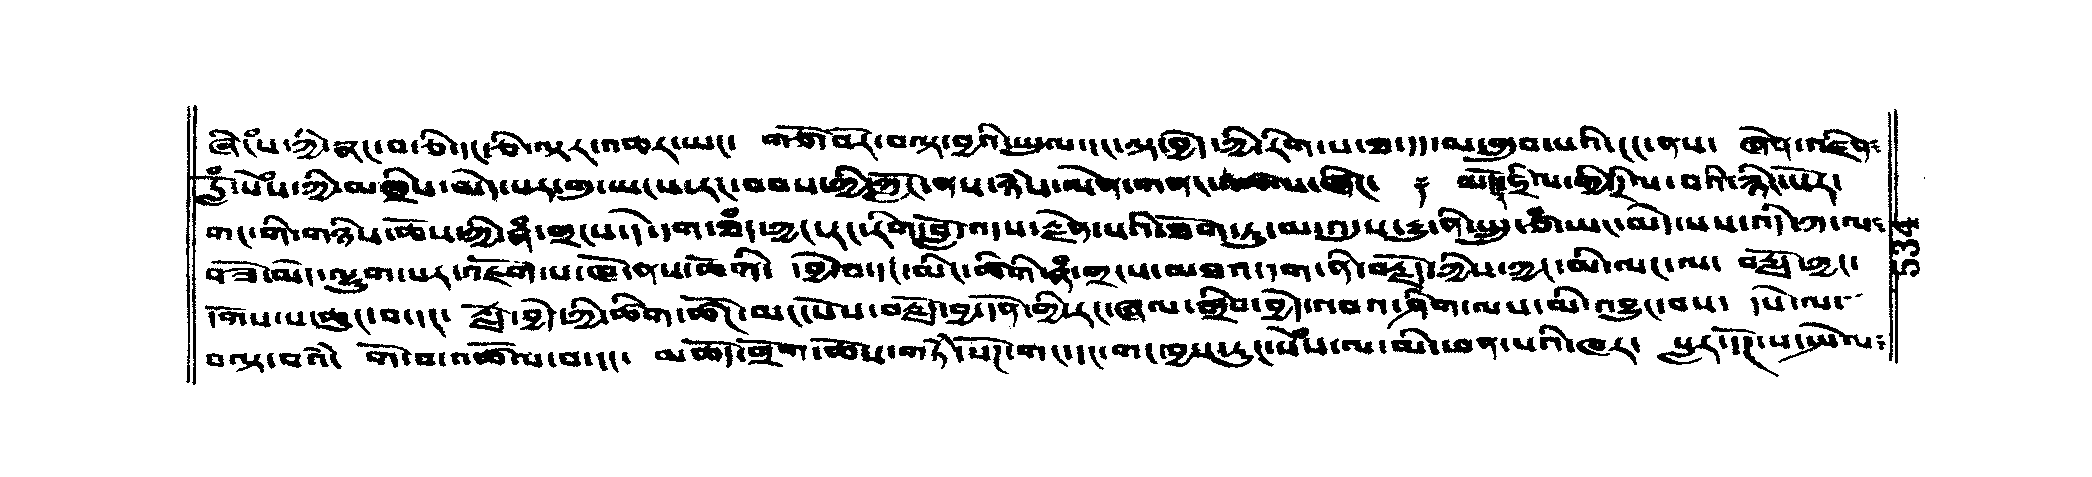ཞིང་ཁམས་ཀྱི་སྣང་བ་ཅི་དང་ཅི་ལྟར་འཆར་ཡང་། གཙོ་བོར་བལྟ་བྱའི་ཡུལ་དང་ལྟ་བྱེད་ཀྱི་རིག་པ་ཐ་དད་མ་གྲུབ་པའི་ངང་ནས། ཞེན་འཛིན་
རློམ་སེམས་ཀྱི་འཁྲི་བ་མེད་པར་གུ་ཡངས་རང་བབས་ཀྱི་ཀློང་ནས་ཉམས་ལེན་གནང་འཚལ་ཞིང་། ༈ མདོར་ཧྲིལ་གྱི་དྲིལ་བའི་སྙིང་པོར་
གང་གི་གཉིས་ཆོས་ཀྱི་རྣམ་གྲངས་དེ་དག་ཐམས་ཅད་ཀྱང་རང་རིག་བློ་འདས་རྗེན་པའི་ཐོག་ཏུ་མ་འདུས་རྒྱུ་ནི་སྤུ་ཙམ་ཡང་མེད་པས་འདི་ཀ་ལ་
བཟོ་མེད་ལྷུག་པར་འཇོག་པ་ཁོ་ནས་ཆོག་གི་དབྱེ་བ་དང་མིང་ཚིག་གི་རྣམ་གྲངས་མཐའ་དག་ནི་བརྗོད་ཀྱིས་ཀྱང་མི་ལང་ལ། བརྗོད་ཀྱང་
དགོས་པ་ཆུང་བ་དང་། རྗོད་བྱེད་ཀྱི་ཚིག་ཚོགས་མང་པོས་བརྗོད་བྱ་དོན་གྱི་རང་ཞལ་སྒྲིབ་བྱེད་འབའ་ཞིག་ལས་མི་འབྱུང་བས། དཔེ་ལ་
བལྟ་བའམ། གོ་བ་འཚོལ་བ་དང་། མཆེད་གྲོགས་ལ་ཆོས་གཏམ་སོགས་གང་དང་གང་བྱས་རུང་སེམས་ལ་མི་ཕན་པའི་ཁར། སླར་དོགས་པ་སྤེལ་